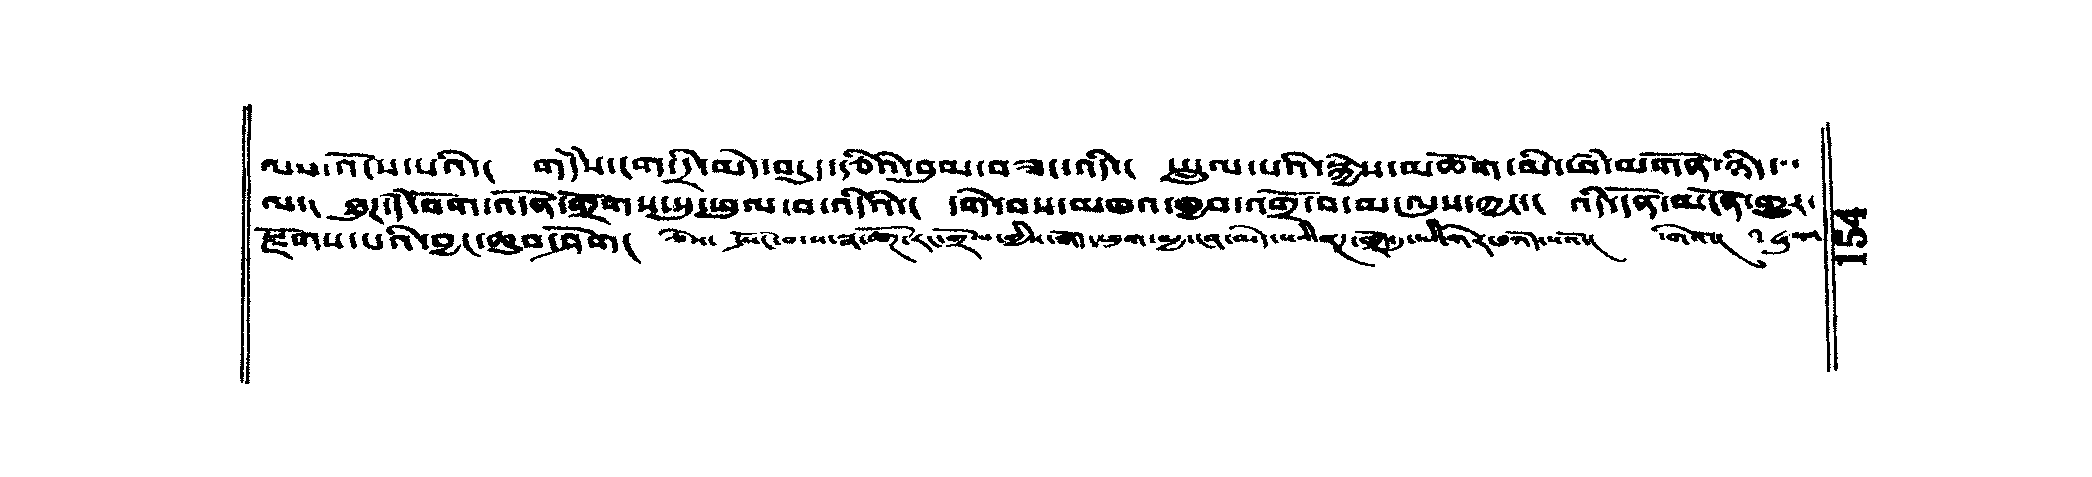ལས་འོངས་པའི། །གདམས་ངག་དྲི་མེད་བདུད་རྩིའི་བུམ་བཟང་འདི། །སྤྲུལ་པའི་སྐྱེས་མཆོག་མི་ཕམ་མགོན་ཉིད་
ལ། །ཐུགས་དམ་བོགས་འདོན་གྲོགས་སུ་ཕུལ་བ་འདིའི། །དགེ་བས་མཁའ་ཁྱབ་འགྲོ་བ་མ་ལུས་ཀྱང་། །འདི་དོན་མངོན་གྱུར་
རྫོགས་པའི་བྱང་ཆུབ་ཤོག ཅེས་སྤོང་བ་པ་སྣ་ཚོགས་རང་གྲོལ་གྱིས་རྒོད་ཕུག་མྱ་ངན་མེད་པའི་ནགས་ཁྲོད་དུ་ཡི་གེར་བཀོད་པའོ།། དགེའོ།།